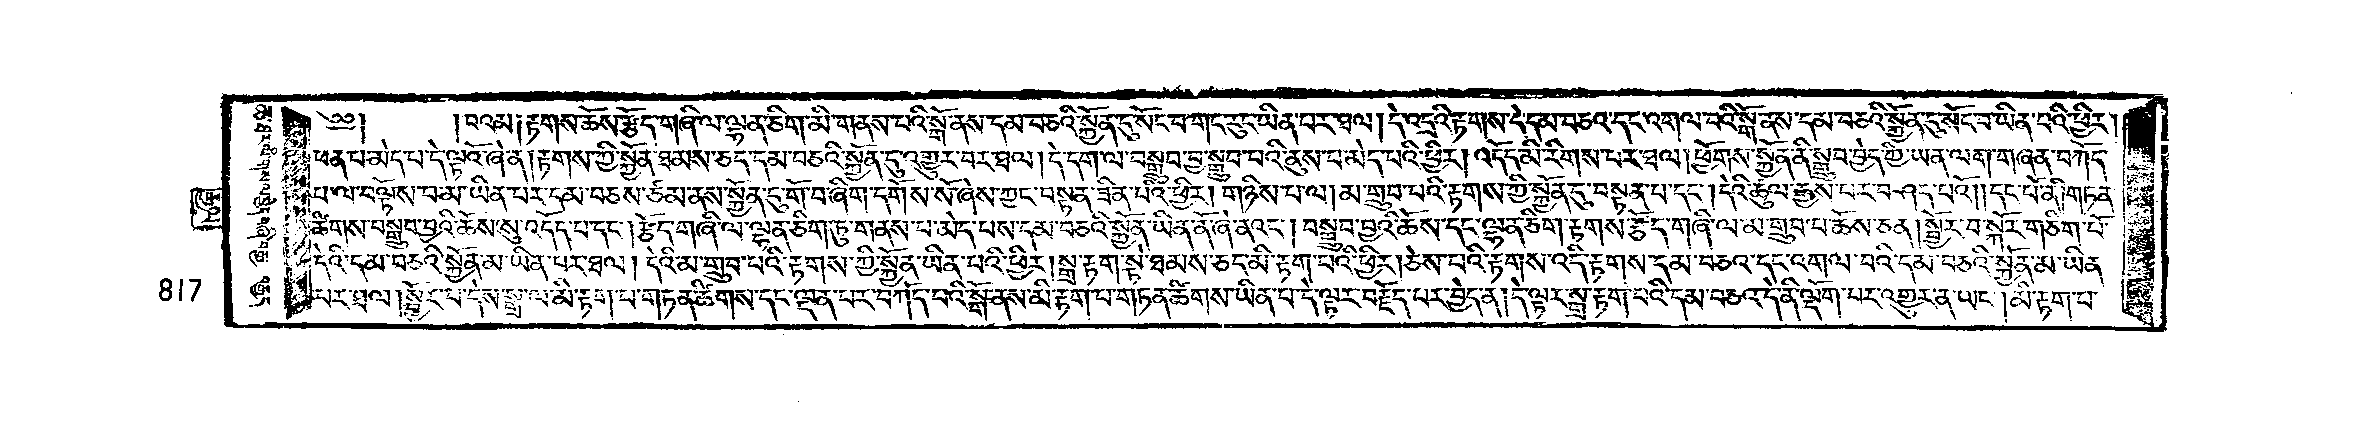༄༅། །བའམ༑ རྟགས་ཆོས་རྩོད་གཞི་ལ་ལྷན་ཅིག་མི་གནས་པའི་སྒོ་ནས་དམ་བཅའི་སྐྱོན་དུ་སོང་བ་གང་རུང་ཡིན་པར་ཐལ། དེ་འདྲའི་རྟགས་དེ་དམ་བཅའ་དང་འགལ་བའི་སྒོ་ནས་དམ་བཅའི་སྐྱོན་དུ་སོང་བ་ཡིན་པའི་ཕྱིར།
ཕན་པ་མེད་པ་དེ་ལྟའོ་ཞེ་ན། རྟགས་ཀྱི་སྐྱོན་ཐམས་ཅད་དམ་བཅའི་སྐྱོན་དུ་འགྱུར་བར་ཐལ། དེ་དག་ལ་བསྒྲུབ་བྱ་སྒྲུབ་པའི་ནུས་པ་མེད་པའི་ཕྱིར། འདོད་མི་རིགས་པར་ཐལ། ཕྱོགས་སྐྱོན་ནི་སྒྲུབ་བྱེད་ཀྱི་ཡན་ལག་གཞན་བཀོད་
པ་ལ་བལྟོས་པ་མ་ཡིན་པར་དམ་བཅས་ཙམ་ནས་སྐྱོན་དུ་གོ་བ་ཞིག་དགོས་སོ་ཞེས་ཀྱང་བསྟན་ཟིན་པའི་ཕྱིར། གཉིས་པ་ལ། མ་གྲུབ་པའི་རྟགས་ཀྱི་སྐྱོན་དུ་བསྟན་པ་དང་། དེའི་ཚུལ་རྒྱས་པར་བཤད་པའོ། །དང་པོ་ནི། གཏན་
ཚིགས་བསྒྲུབ་བྱའི་ཆོས་སུ་འདོད་པ་དང་། རྩོད་གཞི་ལ་ལྷན་ཅིག་ཏུ་གནས་པ་མེད་པས་དམ་བཅའི་སྐྱོན་ཡིན་ནོ་ཞེ་ནའང་། བསྒྲུབ་བྱའི་ཆོས་དང་ལྷན་ཅིག་རྟགས་རྩོད་གཞི་ལ་མ་གྲུབ་པ་ཆོས་ཅན། སྦྱོར་བ་སྐོར་གཅིག་པོ་
དེའི་དམ་བཅའི་སྐྱོན་མ་ཡིན་པར་ཐལ། དེའི་མ་གྲུབ་པའི་རྟགས་ཀྱི་སྐྱོན་ཡིན་པའི་ཕྱིར། སྒྲ་རྟག་སྟེ་ཐམས་ཅད་མི་རྟག་པའི་ཕྱིར། ཅེས་པའི་རྟགས་འདི་རྟགས་དམ་བཅའ་དང་འགལ་བའི་དམ་བཅའི་སྐྱོན་མ་ཡིན་
པར་ཐལ། སྦྱོར་པ་དེས་སྒྲ་ལ་མི་རྟག་པ་གཏན་ཚིགས་དང་ལྡན་པར་བཀོད་པའི་སྒོ་ནས་མི་རྟག་པ་གཏན་ཚིགས་ཡིན་པ་དེ་ལྟར་བརྗོད་པར་བྱེད་ན། དེ་ལྟར་སྒྲ་རྟག་པའི་དམ་བཅའ་དེ་ནི་ལྡོག་པར་འགྱུར་ན་ཡང་། མི་རྟག་པ་